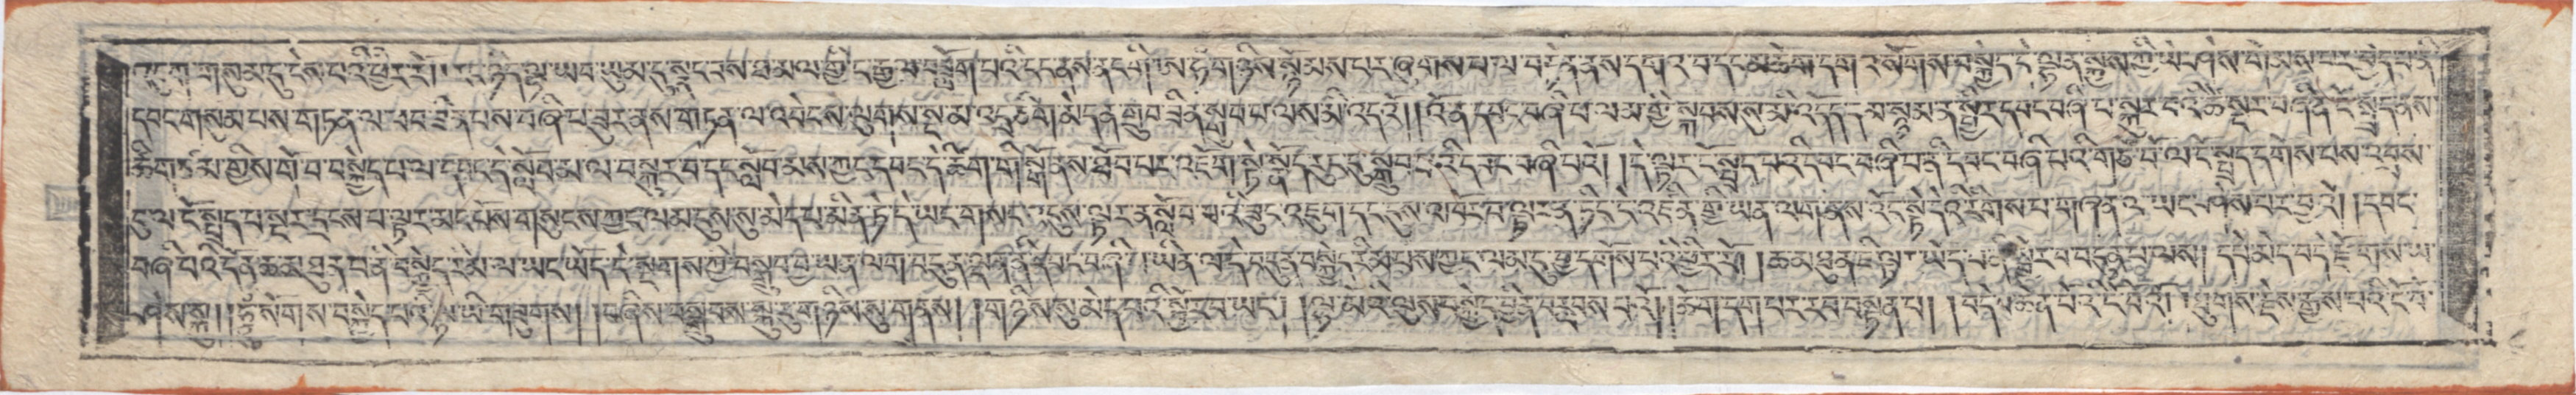འཇུག་གསུམ་དུ་ངེས་པའི་ཕྱིར་རོ། །རང་ཉིད་ལྷ་ཡབ་ཡུམ་དུ་སྣང་བས་ཐ་མལ་གྱི་ང་རྒྱལ་བཟློག་པའི་ངང་ནས་ནང་གི་ཨ་ཧཾ་གཉིས་སྙོམས་པར་ཞུགས་པ་ལ་བརྟེན་ནས་དགའ་བ་དང་མཆོག་དགའ་སོགས་བསྐྱེད་དེ་ལྷན་སྐྱེས་ཀྱི་ཡེ་ཤེས་གོམས་པར་བྱེད་པ་ནི་
དབང་གསུམ་པས་གཏན་ལ་ཕབ་ཟིན་པས་བཞི་པ་ཟུར་ནས་གཏན་ལ་འབེབས་ལུགས་སྔ་མ་འདྲ་ཅིག་མེད་ན་གྲུབ་ཟིན་སྒྲུབ་པ་ལས་མི་འདའོ། །འོ་ན་དབང་བཞི་པ་ལམ་གྱི་སྐབས་སུ་མི་འདོད་དམ་སྙམ་ན་སྤྱིར་དབང་བཞི་པ་སྐུར་བའི་ཚེ་སྔར་བཞིན་ངོ་སྤྲད་ནས་
ཚིག་ཙམ་གྱིས་གོ་བ་བསྐྱེད་པ་ལ་དབང་དེ་སློབ་མ་ལ་བསྐུར་བ་དང་སློབ་མས་ཀྱང་དབང་དེ་ཚིག་གི་སྒོ་ནས་ཐོབ་པར་འཇོག་སྟེ་སྣོད་རུང་དུ་སྒྲུབ་པའི་དབང་བཞི་པའོ། །དེ་ལྟར་ངོ་སྤྲད་པའི་དབང་བཞི་པ་ནི་དབང་བཞི་པའི་གཙོ་བོ་ལ་ངོ་སྤྲད་དགོས་པས་འབྲས་
བུ་ལ་ངོ་སྤྲད་པ་སྔར་དྲངས་པ་ལྟར་མང་པོས་གསུངས་ཀྱང་ལམ་དུས་སུ་མེད་པ་མིན་ཏེ་དེ་ཡང་གསང་འདུས་ལྟར་ན་སློབ་པའི་ཟུང་འཇུག་དང་དུས་འཁོར་བ་ལྟར་ན་ཏིང་ངེ་འཛིན་གྱི་ཡན་ལག་ནས་འོང་སྟེ་དེའི་རིགས་པ་གཞན་ལ་ཡང་ཤེས་པར་བྱའོ། །དབང་
བཞི་པའི་དོན་ཆ་མཐུན་པ་ནི་བསྐྱེད་རིམ་ལ་ཡང་ཡོད་དེ་སྔགས་ཀྱི་བསྒྲུབ་བྱ་ཡན་ལག་བདུན་ལྡན་ནི་དབང་བཞི་པ་ཡིན་ལ་དེ་བདུན་བསྐྱེད་རིམ་པས་ཀྱང་ལམ་དུ་བྱ་དགོས་པའི་ཕྱིར་རོ། །ཆ་མཐུན་ཇི་ལྟར་ཡོད་པ་ནི་སྦྱོར་བ་བདུན་པ་ལས། དཔེ་མེད་བདེ་རྫོགས་ཡི་
ཤེས་སྐུ། །ཧཱུཾ་སོགས་བསྐྱེད་པའི་ལྷ་ཡི་གཟུགས། །བཞིས་བསྒྲུབས་སྐུ་རུ་གཉིས་སུ་གནས། །གཉིས་སུ་མེད་པའི་སྦྱོར་བ་ཡང་། །ལྷ་མོའི་ལུས་བསྐྱེད་བྱིན་བརླབས་པའོ། །ཆོག་དག་པར་རབ་སྟན་པ། །བདེ་བ་ཆེན་པོའི་ངོ་བོའོ། །ཐུགས་རྗེས་རྒྱས་པའི་ངོ་བོ་